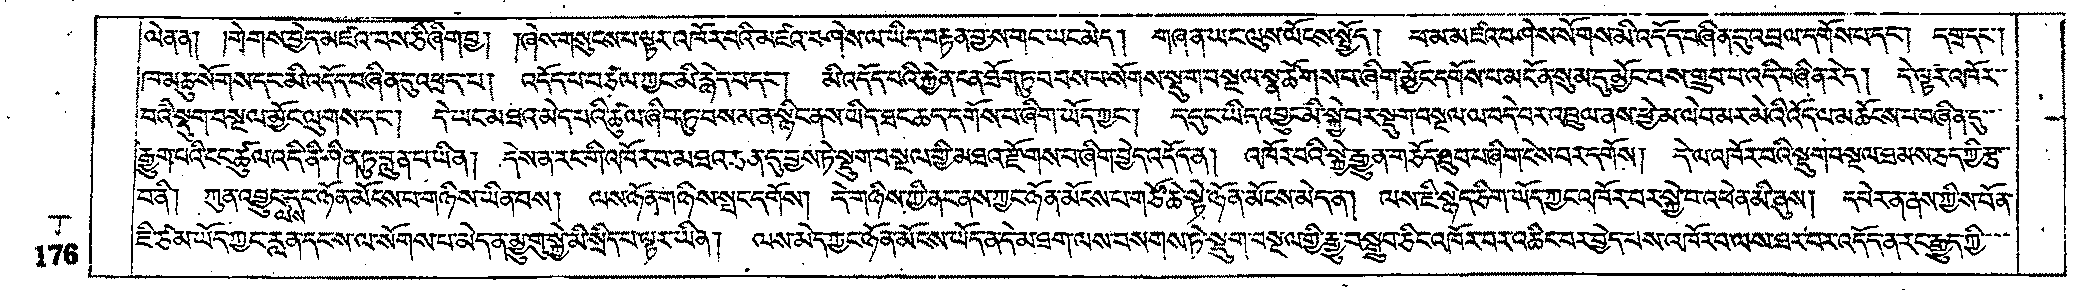ལེན་ན། །གེགས་བྱེད་མཛའ་བས་ཅི་ཞིག་བྱ། །ཞེས་གསུངས་པ་ལྟར་འཁོར་བའི་མཛའ་བཤེས་ལ་ཡིད་བརྟན་བྱ་ས་གང་ཡང་མེད། གཞན་ཡང་ལུས་ལོངས་སྤྱོད། ཕ་མ་མཛའ་བཤེས་སོགས་མི་འདོད་བཞིན་དུ་འབྲལ་དགོས་པ་དང་། དགྲ་དང་།
ཁ་མཆུ་སོགས་དང་མི་འདོད་བཞིན་དུ་འཕྲད་པ། འདོད་པ་བཙལ་ཀྱང་མི་རྙེད་པ་དང་། མི་འདོད་པའི་རྐྱེན་ངན་ཐོག་ཏུ་བབས་པ་སོགས་སྡུག་བསྔལ་སྣ་ཚོགས་པ་ཞིག་མྱོང་དགོས་པ་མངོན་སུམ་དུ་མྱོང་བས་གྲུབ་པ་འདི་བཞིན་རེད། དེ་ལྟར་འཁོར་་་
བའི་སྡུག་བསྔལ་མྱོང་ལུགས་དང་། དེ་ཡང་མཐའ་མེད་པའི་ཚུལ་ཞིབ་ཏུ་བསམ་ན་སྙིང་ནས་ཡིད་ཐང་ཆད་དགོས་པ་ཞིག་ཡོད་ཀྱང་། ད་དུང་ཡིད་འབྱུང་མི་སྐྱེ་བར་སྡུག་བསྔལ་ལ་བདེ་བར་འཁྲུལ་ནས་ཕྱི་མ་ལེབ་མར་མེའི་འོད་ལ་མཆོངས་པ་བཞིན་དུ་་་
རྒྱུག་པའི་ངང་ཚུལ་འདི་ནི་ཤིན་ཏུ་བླུན་པ་ཡིན། དེས་ན་རང་གི་འཁོར་བ་མཐའ་ཅན་དུ་བྱས་ཏེ་སྡུག་བསྔལ་གྱི་མཐའ་རྫོགས་པ་ཞིག་བྱེད་འདོད་ན། འཁོར་བའི་སྐྱེ་རྒྱུན་གཅོད་ཐུབ་པ་ཞིག་ངེས་པར་དགོས། དེ་ལ་འཁོར་བའི་སྡུག་བསྔལ་ཐམས་ཅད་ཀྱི་རྩ་་་
བ་ནི། ཀུན་འབྱུང་ལས་དང་ཉོན་མོངས་པ་གཉིས་ཡིན་པས། ལས་ཉོན་གཉིས་སྤང་དགོས། དེ་གཉིས་ཀྱི་ནང་ནས་ཀྱང་ཉོན་མོངས་པ་གཙོ་ཆེ་སྟེ་ཉོན་མོངས་མེད་ན། ལས་ཇི་སྙེད་ཅིག་ཡོད་ཀྱང་འཁོར་བར་སྐྱེ་བ་འཕེན་མི་ནུས། དཔེར་ན་ནས་ཀྱི་ས་བོན་
ཇི་ཙམ་ཡོད་ཀྱང་རླན་དང་ས་ལ་སོགས་པ་མེད་ན་མྱུ་གུ་སྐྱེ་མི་སྲིད་པ་ལྟར་ཡིན། ལས་མེད་ཀྱང་ཉོན་མོངས་ཡོད་ན་དེ་མ་ཐག་ལས་བསགས་ཏེ་སྡུག་བསྔལ་གྱི་རྒྱུ་བསྒྲུབ་ཅིང་འཁོར་བར་འཆིང་བར་བྱེད་པས་འཁོར་བ་ལས་ཐར་བར་འདོད་ན་རང་རྒྱུད་ཀྱི་་་